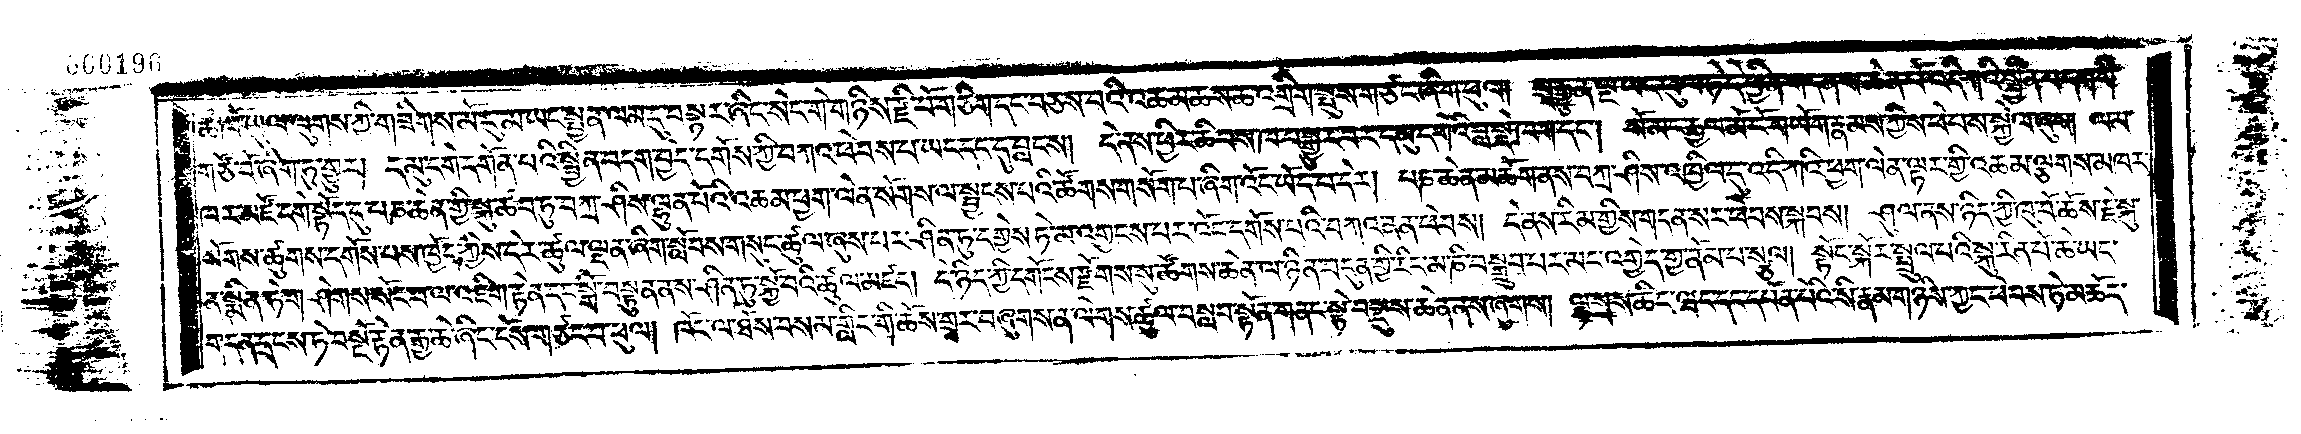ཚ་ཁོ་ཡུལ་ལུགས་ཀྱི་གཟིགས་མོ་དུ་མ་ཡང་སྤྱན་ལམ་དུ་བསྟར་ཞིང་སེད་གེ་གཉིས་རྗི་པོ་གཅིག་དང་བཅས་པའི་འཆམ་ཆས་ཆ་འགྲིག་སྤུས་གཙང་ཞིག་ཕུལ། གྲྭ་རྒྱུན་ལྔ་ཡང་ཕུལ་ཏེ་དེ་ཕྱིན་གདན་ས་ཆེན་པོ་འདི་ཀའི་སྤྱིན་པ་དག་གི་
གཙོ་བོ་ཞིག་ཏུ་གྱུར། དམུ་དགེ་དགོན་པའི་སྤྱིན་བདག་བྱེད་དགོས་ཀྱི་བཀའ་ཕེབས་པ་ཡང་དང་དུ་བླངས། དེ་ནས་ཕྱིར་ཆིབས་ཁ་བསྒྱུར་བར་དམུ་དགེའི་བླ་སྡེ་ཁག་དང་། སོ་མང་རྒྱལ་མོ་ངོ་གཡོག་རྣམས་ཀྱིས་ཕེབས་སྐྱེལ་ཞུས། ལམ་
ཁར་མཛོ་དགེ་སྟེད་དུ་པཎ་ཆེན་གྱི་སྐུ་ཚབ་ཏུ་བཀྲ་ཤིས་ལྷུན་པོའི་འཆམ་ཕྱག་ལེན་སོགས་ལ་སྦྱངས་པའི་ཚོགས་གསོག་པ་ཞིག་འོང་ཡོད་པ་དེར། པཎ་ཆེན་མཆོག་ནས་བཀྲ་ཤིས་འཁྱིལ་དུ་འདི་ཀའི་ཕྱག་ལེན་ལྟར་གྱི་འཆམ་ལྕགས་མཁར་
དོགས་ཚུགས་དགོས་པས་ཁྱོད་ཀྱིས་དེར་ཚུལ་ལྡན་ཞིག་སློབས་གསུང་ཚུལ་ཞུས་པར་ཤིན་ཏུ་དགྱེས་ཏེ་མ་འགྱངས་པར་འོང་དགོས་པའི་བཀའ་ནན་ཕེབས། དེ་ནས་རིམ་གྱིས་གདན་སར་ཕེབས་སྐབས། ཤུལ་ནས་ཉིད་ཀྱི་ཁུ་བོ་ཆོས་རྗེ་སྐུ་
ན་སྨིན་ཏེ་གཤེགས་སོང་བ་ལ་འཇིག་རྟེན་དང་སྒོ་བསྟུན་ནས་ཤིན་ཏུ་སྐྱོ་བའི་ཚུལ་མཛད། དེ་ཉིད་ཀྱི་དགོངས་རྫོགས་སུ་ཚོགས་ཆེན་ལ་ཉིན་བདུན་གྱི་རིང་མ་ཎྀ་བསྒྲུབ་པར་མང་འགྱེད་གྱ་ནོམ་པ་སྩལ། སྟོང་སྐོར་སྤྲུལ་པའི་སྐུ་རིན་པོ་ཆེ་ཡང་
གདན་དྲངས་ཏེ་བསྔོ་རྟེན་རྒྱ་ཆེ་ཞིང་ངོས་གཙང་བ་ཕུལ། ཁོང་ལ་ཐོས་བསམ་གླིང་གི་ཆོས་གྲྭར་བཞུགས་ན་ལེགས་ཚུལ་བསླབ་སྟོན་གནང་སྟེ་བསྡུས་ཆེན་ནས་ཞུགས། ལྷ་སྲས་ཆིང་ཝང་དང་དཔོན་པེའི་སི་རྣམ་གཉིས་ཀྱང་ཕེབས་ཏེ་མཆོད་